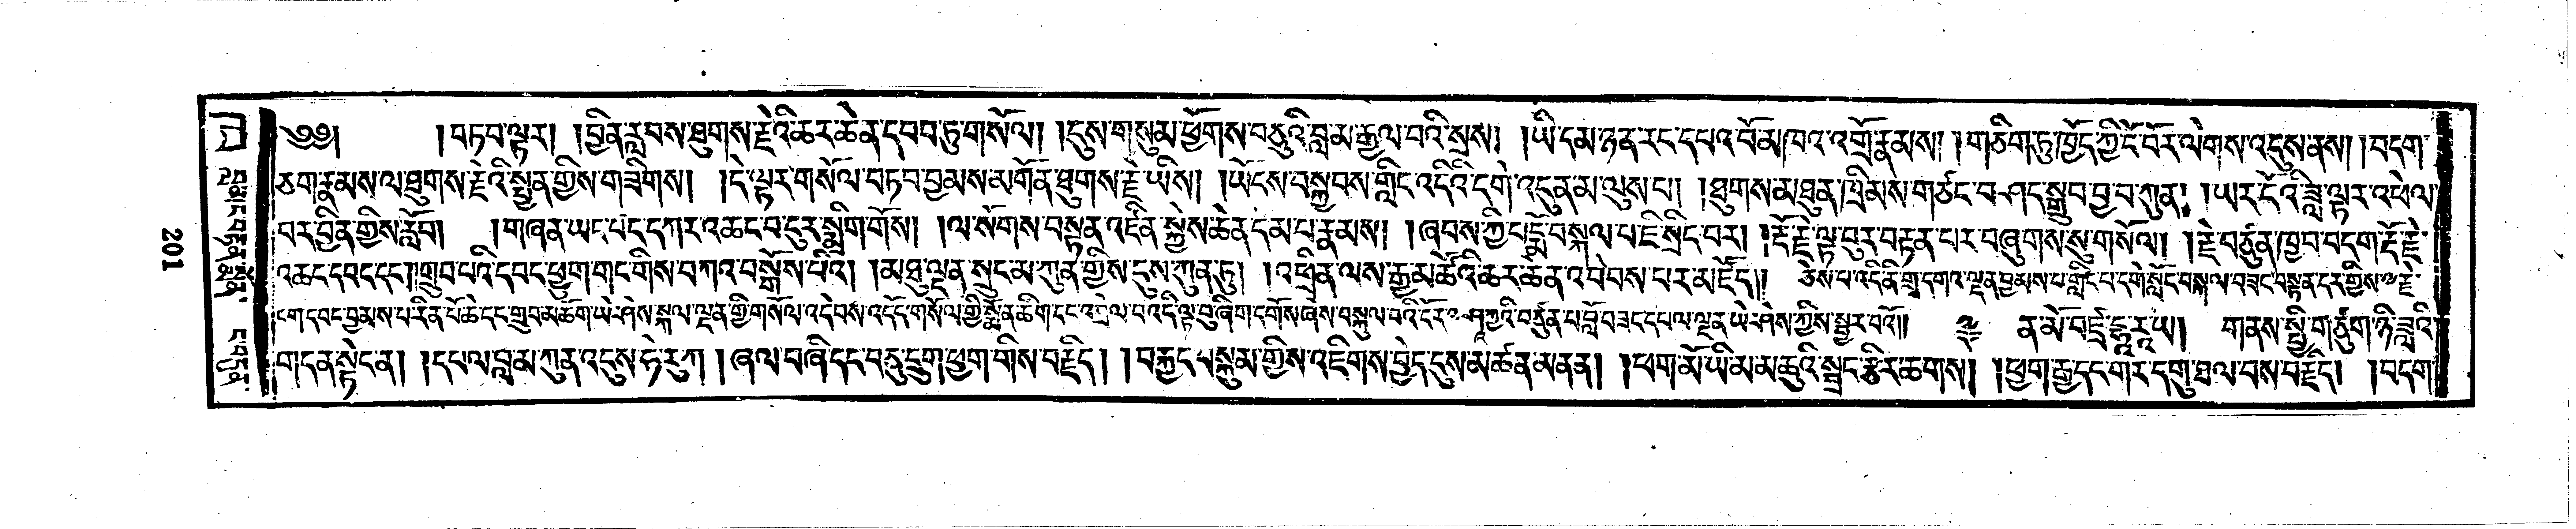༄༅། །བཏབ་ལྟར། །བྱིན་རླབས་ཐུགས་རྗེའི་ཆར་ཆེན་དབབ་ཏུ་གསོལ། །དུས་གསུམ་ཕྱོགས་བཅུའི་བླ་མ་རྒྱལ་བའི་སྲས། །ཡི་དམ་ཉན་རང་དཔའ་བོ་མཁའ་འགྲོ་རྣམས། །གཅིག་ཏུ་ཁྱོད་ཀྱི་ངོ་བོར་ལེགས་འདུས་ནས། །བདག་
ཅག་རྣམས་ལ་ཐུགས་རྗེའི་སྤྱན་གྱིས་གཟིགས། །དེ་ལྟར་གསོལ་བཏབ་བྱམས་མགོན་ཐུགས་རྗེ་ཡིས། །ཡོངས་བསྐྱབས་གླིང་འདིའི་དགེ་འདུན་མ་ལུས་པ། །ཐུགས་མཐུན་ཁྲིམས་གཙང་བཤད་སྒྲུབ་བྱ་བ་ཀུན། །ཡར་ངོའི་ཟླ་ལྟར་འཕེལ་
བར་བྱིན་གྱིས་རློབ། །གཞན་ཡང་པད་དཀར་འཆང་བ་དུར་སྨྲིག་གོས། །ལ་སོགས་བསྟན་འཛིན་སྐྱེས་ཆེན་དམ་པ་རྣམས། །ཞབས་ཀྱི་པདམོ་བསྐལ་པ་ཇི་སྲིད་པར། །རྡོ་རྗེ་ལྟ་བུར་བརྟན་པར་བཞུགས་སུ་གསོལ། །རྗེ་བཙུན་ཁྱབ་བདག་རྡོ་རྗེ་
འཆང་དབང་དང་། །གྲུབ་པའི་དབང་ཕྱུག་གང་གིས་བཀའ་བསྒོས་པའི། །མཐུ་ལྡན་སྲུང་མ་ཀུན་གྱིས་དུས་ཀུན་ཏུ། །འཕྲིན་ལས་རྒྱ་མཚོའི་ཆར་ཆེན་འབེབས་པར་མཛོད། ཅེས་པ་འདི་ནི་གྲྭ་དགའ་ལྡན་བྱམས་པ་གླིང་པ་དགེ་སློང་བསྐལ་བཟང་བསྟན་དར་གྱིས་༧་རྗེ་
ངག་དབང་བྱམས་པ་རིན་པོ་ཆེ་དང་གྲུབ་མཆོག་ཡེ་ཤེས་སྐལ་ལྡན་གྱི་གསོལ་འདེབས་འདོད་གསོལ་གྱི་སྨོན་ཚིག་དང་འབྲེལ་བ་འདི་ལྟ་བུ་ཞིག་དགོས་ཞེས་བསྐུལ་བའི་ངོར་༧་ཤཱཀྱའི་བཙུན་པ་བློ་བཟང་དཔལ་ལྡན་ཡེ་ཤེས་ཀྱིས་སྦྱར་བའོ།། ༈ ན་མོ་བཛྲ་དྷཱ་རཱ་ཡ། གནས་སྤྱི་གཙུག་ཉི་ཟླའི་
གདན་སྟེང་ན། །དཔལ་བླ་མ་ཀུན་འདུས་ཧེ་རུ་ཀ །ཞལ་བཞི་དང་བཅུ་དྲུག་ཕྱག་གིས་བརྗིད། །བརྐྱང་བསྐུམ་གྱིས་འཇིགས་བྱེད་དུས་མཚན་མནན། །ཕག་མོ་ཡི་མ་མཆུའི་སྦྲང་རྩིར་ཆགས། །ཕྱག་རྒྱ་དང་གར་དགུ་ཐལ་བས་བརྗིད། །བདག་